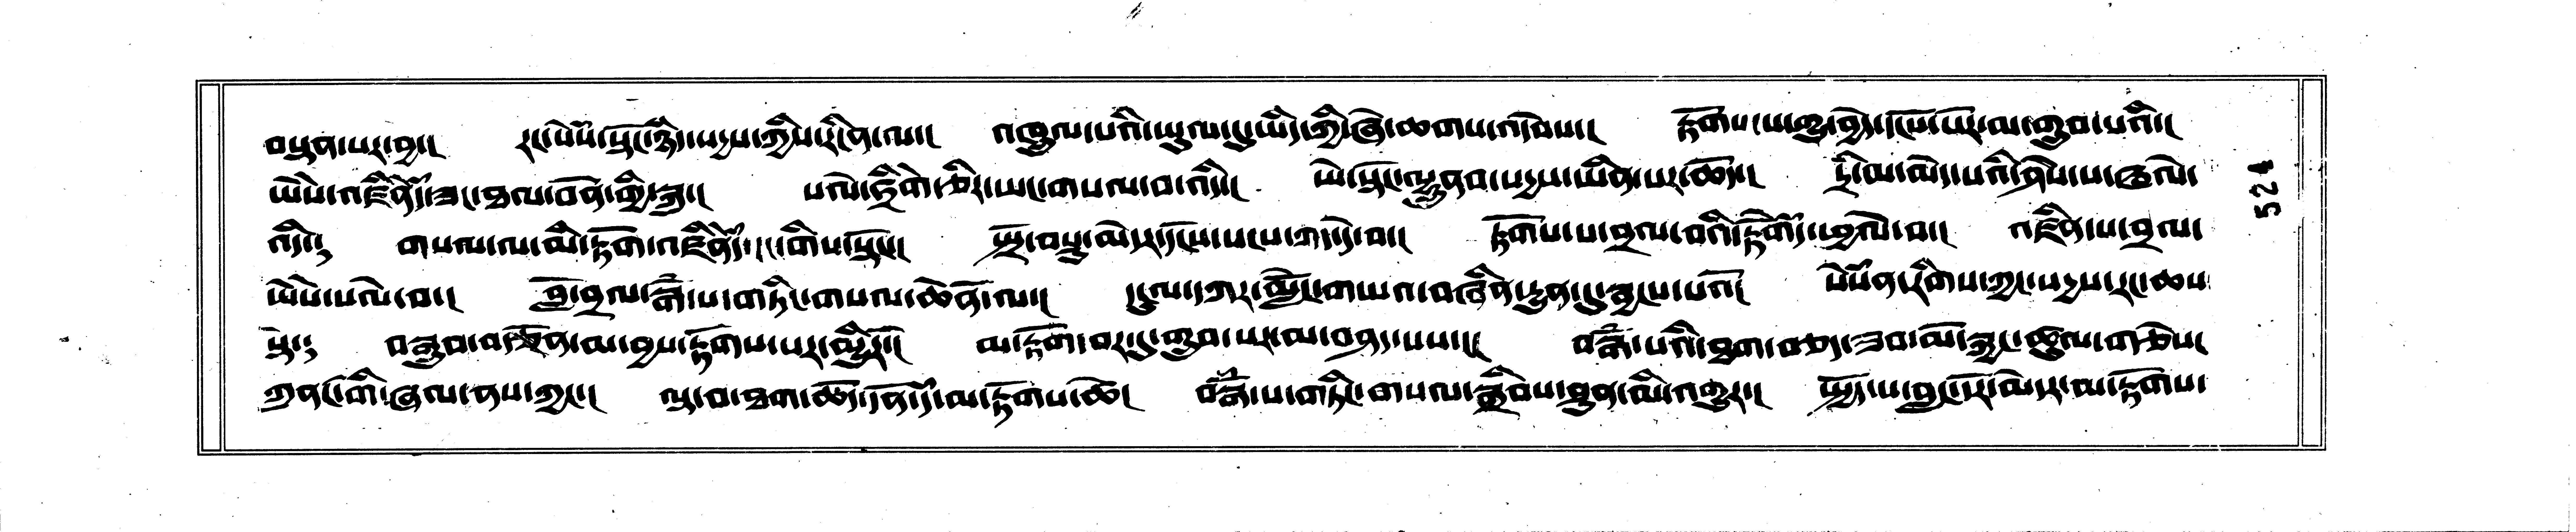བསྟན་པར་བྱ། རང་སེམས་སྟོང་ཉིད་སངས་རྒྱས་རང་བཞིན་ལ། འཁྲུལ་པའི་ཡུལ་དུ་ཡིད་ཀྱིས་ཞེན་ཆགས་འདེབས། རྟོག་འགྱུར་མེད་‘‘རྟོག་པ་འགྱུ་བྱེད”དངོས་པོ་མ་གྲུབ་པས། 
ཡེ་ཤེས་འཛིན་མེད་ཟངས་ཏལ་བོན་གྱི་སྐུ། སལེ་ཧྲིག་གེ་ཅི་ཡང་གསལ་བ་འདི། ཡེ་སྟོང་ལྷུན་གྲུབ་སངས་རྒྱས་ཡིན་པར་ཆོད། དྲི་མ་མེད་པའི་ཤེས་པ་སལ་སལ་
འདི། གསལ་ལ་མི་རྟོག་འཛིན་མེད་ངང་གི་སྟོང་། སྤྲོ་བསྡུ་མེད་པར་དང་སང་ཀད་དེ་བ། རྟོག་པ་བྲལ་བས་རྟེན་མེད་ཕྱལ་ལེ་བ། འཛིན་པ་གྲོལ་
བས་ཡེ་ཤེས་སལེ་བ། བློ་བྲལ་སྒོམ་པ་གཏིང་གསལ་ཆེན་པོ་ལ། དངུལ་དཀར་མེ་ལོང་གཡའ་བཞིན་རྒྱུན་དུ་སྦྱང་པའོ། སེམས་ཅན་རིག་ཀྱང་སངས་རྒྱས་རང་ཆས་
ཏེ། བསྒྲུབ་བརྩོན་མ་བྱས་རྟོགས་པར་མི་གྱུར་རོ། མ་རྟོགས་པར་ཙེ་འགྲུབ་པར་མ་བཤད་ན། སྒོམ་པའི་ཐང་བཅད་ཟབ་མོ་སྦྱང་ཚུལ་གཅེས།
 ཀུན་བཟང་གིས་ཞལ་ནས་ཀྱང་། ལྟ་བ་ཐག་ཆོད་དོན་དམ་མ་རྟོགས་ཚེ། སྒོམ་པ་གཏིང་གསལ་སྒྲིབ་ཤུན་བྲལ་མི་འགྱུར། སྤྱོད་པ་བླང་དོར་མེད་པར་མ་རྟོགས་